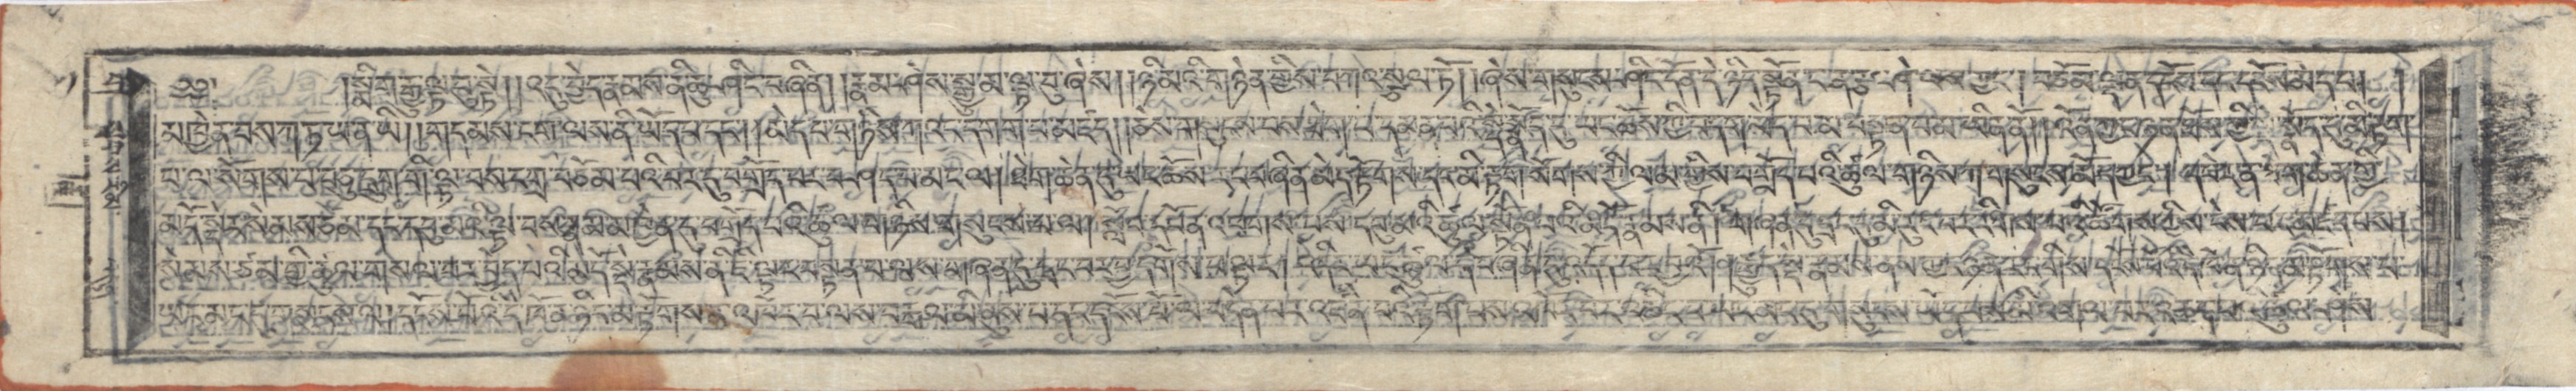༄༅། །སྨིག་རྒྱུ་ལྟ་བུ་སྟེ། །འདུ་བྱེད་རྣམས་ནི་ཆུ་ཤིང་བཞིན། །རྣམ་ཤེས་སྒྱུ་མ་ལྟ་བུ་ཞེས། །ཉི་མའི་གཉེན་གྱིས་བཀའ་སྩལ་ཏོ། །ཞེས་གསུངས་ཤིང་དོན་དེ་ཉིད་སྟོན་པ་ན་རྩ་ཤེ་ལས་ཀྱང་། བཅོམ་ལྡན་དངོས་དང་དངོས་མེད་པ། །
མཁྱེན་བས་ཀ་ཏ་ཡ་ན་ཡི། །གདམས་ངག་ལས་ནི་ཡོད་པ་དང་། །མེད་པ་གཉིས་ཀའང་དགག་པ་མཛད། །ཅེས་གསུངས་པས་ཐེག་པ་དམན་པའི་སྡེ་སྣོད་དུ་ཡང་ཆོས་ཀྱི་བདག་མེད་པ་མ་བསྟན་པ་མ་ཡིན་ནོ། །འོན་ཀྱང་ཉན་ཐོས་ཀྱི་སྡེ་སྣོད་དུ་མི་རྟག་
པ་ལ་སོགས་པ་བཅུ་དྲུག་གི་ལྟ་བས་དགྲ་བཅོམ་པའི་བར་དུ་བགྲོད་པར་བཤད་པ་མང་ལ། ཐེག་ཆེན་དུ་ཡང་ཆོས་རང་བཞིན་མེད་རྟོགས་དང་མི་རྟག་སོགས་ཀྱི་ལམ་གྱིས་བགྲོད་པའི་ཚུལ་གཉིས་ཀ་གསུངས་མོད་ཀྱང་། དཔེར་ན་ཐེག་ཆེན་གྱི་
མདོ་སྡེར་སེམས་ཙམ་དང་དབུ་མའི་ལྟ་བས་རྣམ་མཁྱེན་དུ་བགྲོད་པའི་ཚུལ་གཉིས་གསུངས་པ་ལ། སློབ་དཔོན་འཕགས་པས་དབུ་མའི་ཚུལ་སྟོན་པའི་མདོ་རྣམས་ནི། གཞན་དུ་དྲང་དུ་མི་རུང་བར་རིགས་པའི་ཚོགས་ཀྱིས་ངེས་པར་མཛད་པས།
སེམས་ཙམ་གྱི་ཚུལ་གསལ་བར་བྱེད་པའི་མདོ་སྡེ་རྣམས་ནི་ཇི་ལྟར་བསྟན་པ་ལས་གཞན་དུ་དྲང་བར་བྱ་དགོས་པ་ལྟར། འདིར་ཡང་ཚུལ་དེ་བཞིན་དུ་འདོད་པར་བྱའོ། །རྒྱུད་སྡེ་རྣམས་ནས་ཀྱང་ཉན་རང་གིས་དངོས་པོའི་དེ་ཁོ་ན་ཉིད་མ་རྟོགས་པ་
ཡང་མང་དུ་གསུངས་ལ། དངོས་པོའི་དེ་ཁོ་ན་ཉིད་མ་རྟོགས་ན་འཁོར་བ་ལས་བརྒལ་མི་ནུས་པ་དང་དངོས་པོ་ལ་བདེན་པར་འཛིན་པའི་རྟོག་པས་འཁོར་བར་འཆིང་བ་ཡང་མང་དུ་གསུངས་ཡོད་པས་མི་འགལ་བར་འཆད་པའི་ཚུལ་ཤེས་